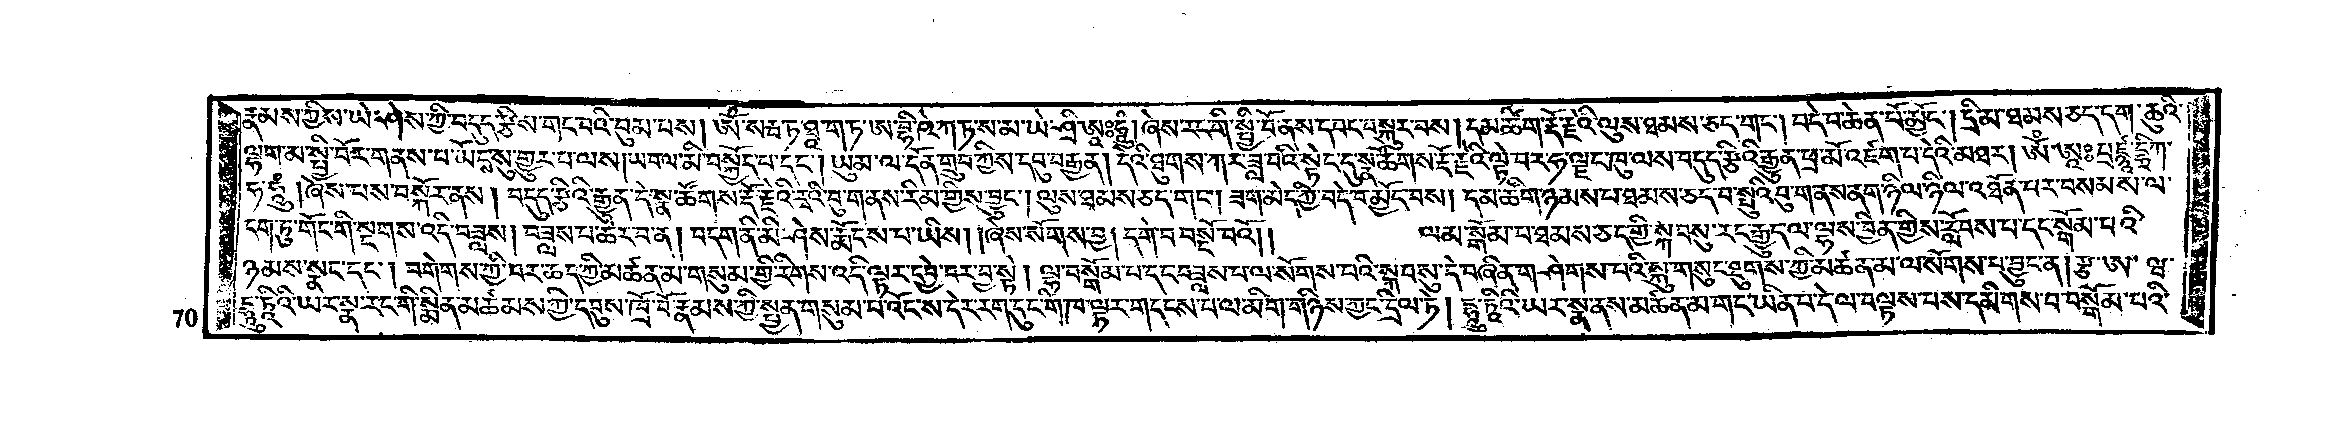རྣམས་ཀྱིས་ཡེ་ཤེས་ཀྱི་བདུད་རྩིས་གང་བའི་བུམ་པས། ཨོཾ་སརྦ་ཏ་ཐཱ་ག་ཏ་ཨ་བྷི་ཥེ་ཀ་ཏ་ས་མ་ཡེ་ཤྲི་ཨཱཿ ཧཱུཾ། ཞེས་རང་གི་སྤྱི་བོ་ནས་དབང་བསྐུར་བས། དམ་ཚིག་རྡོ་རྗེའི་ལུས་ཐམས་ཅད་གང་། བདེ་བ་ཆེན་པོ་མྱོང་། དྲི་མ་ཐམས་ཅད་དག་ཆུའི་
ལྷག་མ་སྤྱི་བོར་གནས་པ་ཡོངས་སུ་གྱུར་པ་ལས། ཡབ་ལ་མི་བསྐྱོད་པ་དང་། ཡུམ་ལ་དོན་གྲུབ་ཀྱིས་དབུ་བརྒྱན། དེའི་ཐུགས་ཀར་ཟླ་བའི་སྟེང་དུ་སྣ་ཚོགས་རྡོ་རྗེའི་ལྟེ་བར་ཧ་ལྗང་ཁུ་ལས་བདུད་རྩིའི་རྒྱུན་ཕྲ་མོ་འཛག་པ་དེའི་མཐར། ཨོཾ་ཨཱཿ པྲཛྙཱ་དྷྲིཀ་
ཧ་ཧཱུཾ། ཞེས་པས་བསྐོར་ནས། བདུད་རྩིའི་རྒྱུན་དེ་སྣ་ཚོགས་རྡོ་རྗེའི་རྭའི་བུ་ག་ནས་རིམ་གྱིས་བྱུང་། ལུས་ཐམས་ཅད་གང་། ཟག་མེད་ཀྱི་བདེ་བ་མྱོང་བས། དམ་ཚིག་ཉམས་པ་ཐམས་ཅད་བ་སྤུའི་བུ་ག་ནས་ནག་ཉིལ་ཉིལ་འཐོན་པར་བསམས་ལ་
ངག་ཏུ་གོང་གི་སྔགས་འདི་བཟླས། བཟླས་པ་ཚར་བ་ན། བདག་ནི་མི་ཤེས་རྨོངས་པ་ཡིས། །ཞེས་སོགས་བྱ། དགེ་བ་བསྔོ་བའོ།། །།ལམ་སྒོམ་པ་ཐམས་ཅད་ཀྱི་སྐབས་སུ་རང་རྒྱུད་ལ་ལྷས་བྱིན་གྱིས་རློབས་པ་དང་སྒོམ་པའི་
ཉམས་སྣང་དང་། བགེགས་ཀྱི་བར་ཆད་ཀྱི་མཚན་མ་གསུམ་གྱི་རིགས་འདི་ལྟར་དབྱེ་བར་བྱ་སྟེ། ལྷ་བསྒོམ་པ་དང་བཟླས་པ་ལ་སོགས་པའི་སྐབས་སུ་དེ་བཞིན་གཤེགས་པའི་སྐུ་གསུང་ཐུགས་ཀྱི་མཚན་མ་ལ་སོགས་པ་བྱུང་ན། རྩ་ཨ་ཝ་
དྷཱུ་ཏཱིའི་ཡར་སྣ་རང་གི་སྨིན་མཚམས་ཀྱི་དབུས་ཁྲོ་བོ་རྣམས་ཀྱི་སྤྱན་གསུམ་པ་འོང་ས་དེར་རག་དུང་གི་ཁ་ལྟར་གདངས་པ་ལ་མིག་གཉིས་ཀྱང་དྲིལ་ཏེ། དྷཱུ་ཏཱིའི་ཡར་སྣ་ནས་མཚན་མ་གང་ཡིན་པ་དེ་ལ་བལྟས་པས་དམིགས་པ་བསྒོམ་པའི་